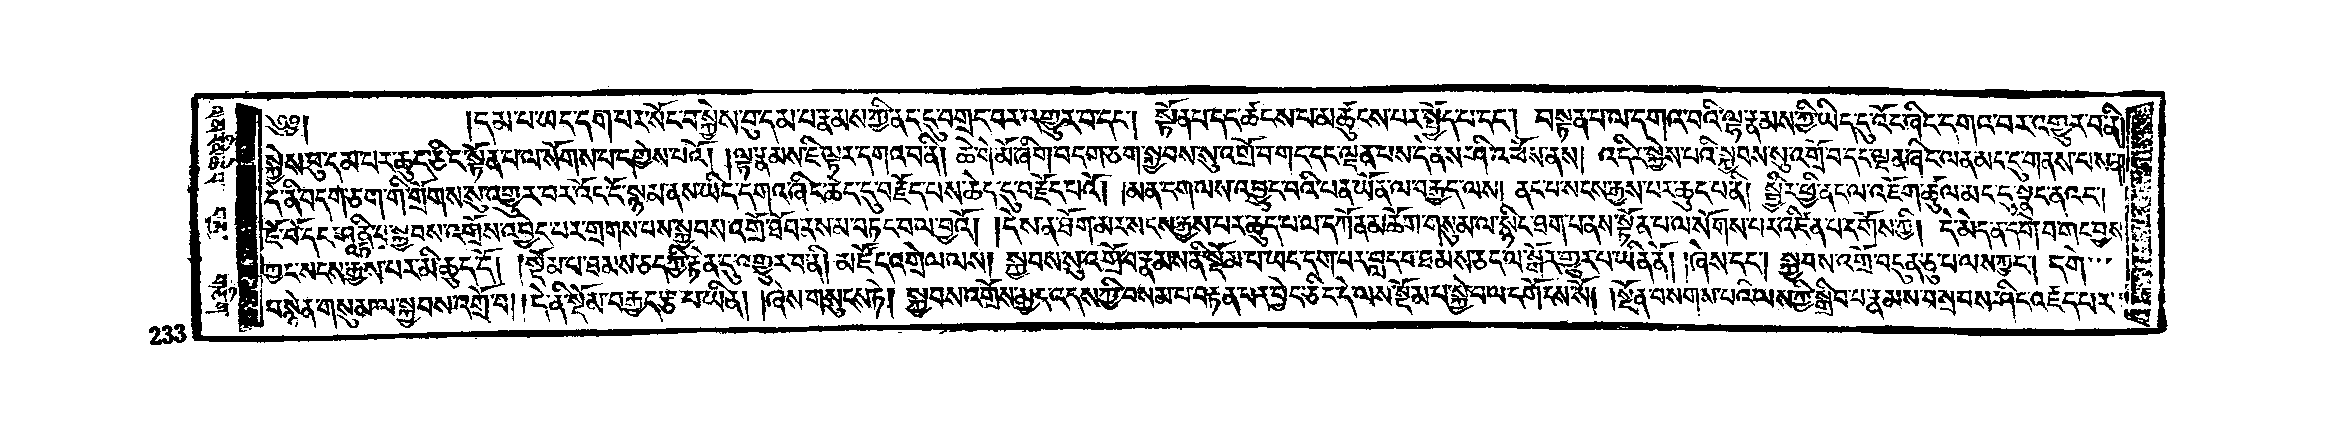༄༅། །དམ་པ་ཡང་དག་པར་སོང་བ་སྐྱེས་བུ་དམ་པ་རྣམས་ཀྱི་ནང་དུ་བགྲང་བར་འགྱུར་བ་དང་། སྟོན་པ་དང་ཚངས་པ་མཚུངས་པར་སྤྱོད་པ་དང་། བསྟན་པ་ལ་དགའ་བའི་ལྷ་རྣམས་ཀྱི་ཡིད་དུ་འོང་ཞིང་དགའ་བར་འགྱུར་བ་ནི།
སྐྱེས་བུ་དམ་པར་ཆུད་ཅིང་སྟོན་པ་ལ་སོགས་པ་དགྱེས་པའོ། །ལྷ་རྣམས་ཇི་ལྟར་དགའ་བ་ནི། ཆེ་གེ་མོ་ཞིག་བདག་ཅག་སྐྱབས་སུ་འགྲོ་བ་གང་དང་ལྡན་པས་དེ་ནས་ཤི་འཕོས་ནས། འདིར་སྐྱེས་པའི་སྐྱབས་སུ་འགྲོ་བ་དང་ལྡན་ཞིང་ལན་མང་དུ་གནས་པས་ན།
དེ་ནི་བདག་ཅག་གི་གྲོགས་སུ་འགྱུར་བར་འོང་ངོ་སྙམ་ནས་ཡིད་དགའ་ཞིང་ཆེད་དུ་བརྗོད་པས་ཆེད་དུ་བརྗོད་པའོ། །མན་ངག་ལས་འབྱུང་བའི་ཕན་ཡོན་ལ་བརྒྱད་ལས། ནང་པ་སངས་རྒྱས་པར་ཆུད་པ་ནི། སྤྱིར་ཕྱི་ནང་ལ་འཇོག་ཚུལ་མང་དུ་སྣང་ནའང་།
ཇོ་བོ་དང་ཤཱནྟི་པ་སྐྱབས་འགྲོས་འབྱེད་པར་གྲགས་པས་སྐྱབས་འགྲོ་ཐོབ་ནས་མ་བཏང་བ་ལ་བྱའོ། །དེས་ན་ཐོག་མར་སངས་རྒྱས་པར་ཆུད་པ་ལ་དཀོན་མཆོག་གསུམ་ལ་སྙིང་ཐག་པ་ནས་སྟོན་པ་ལ་སོགས་པར་འཛིན་པ་དགོས་ཀྱི། དེ་མེད་ན་དགེ་བ་གང་བྱས་
ཀྱང་སངས་རྒྱས་པར་མི་ཆུད་དོ། །སྡོམ་པ་ཐམས་ཅད་ཀྱི་རྟེན་དུ་འགྱུར་བ་ནི། མཛོད་འགྲེལ་ལས། སྐྱབས་སུ་འགྲོ་བ་རྣམས་ནི་སྡོམ་པ་ཡང་དག་པར་བླང་བ་ཐམས་ཅད་ལ་སྒོར་གྱུར་པ་ཡིན་ནོ། །ཞེས་དང་། སྐྱབས་འགྲོ་བདུན་ཅུ་པ་ལས་ཀྱང་། དགེ་
བསྙེན་གསུམ་ལ་སྐྱབས་འགྲོ་བ། །དེ་ནི་སྡོམ་བརྒྱད་རྩ་བ་ཡིན། །ཞེས་གསུངས་ཏེ། སྐྱབས་འགྲོས་མྱང་འདས་ཀྱི་བསམ་པ་བརྟན་པར་བྱེད་ཅིང་དེ་ལས་སྡོམ་པ་སྐྱེ་བ་ལ་དགོངས་སོ། །སྔོན་བསགས་པའི་ལས་ཀྱི་སྒྲིབ་པ་རྣམས་བསྲབས་ཤིང་འཛད་པར་